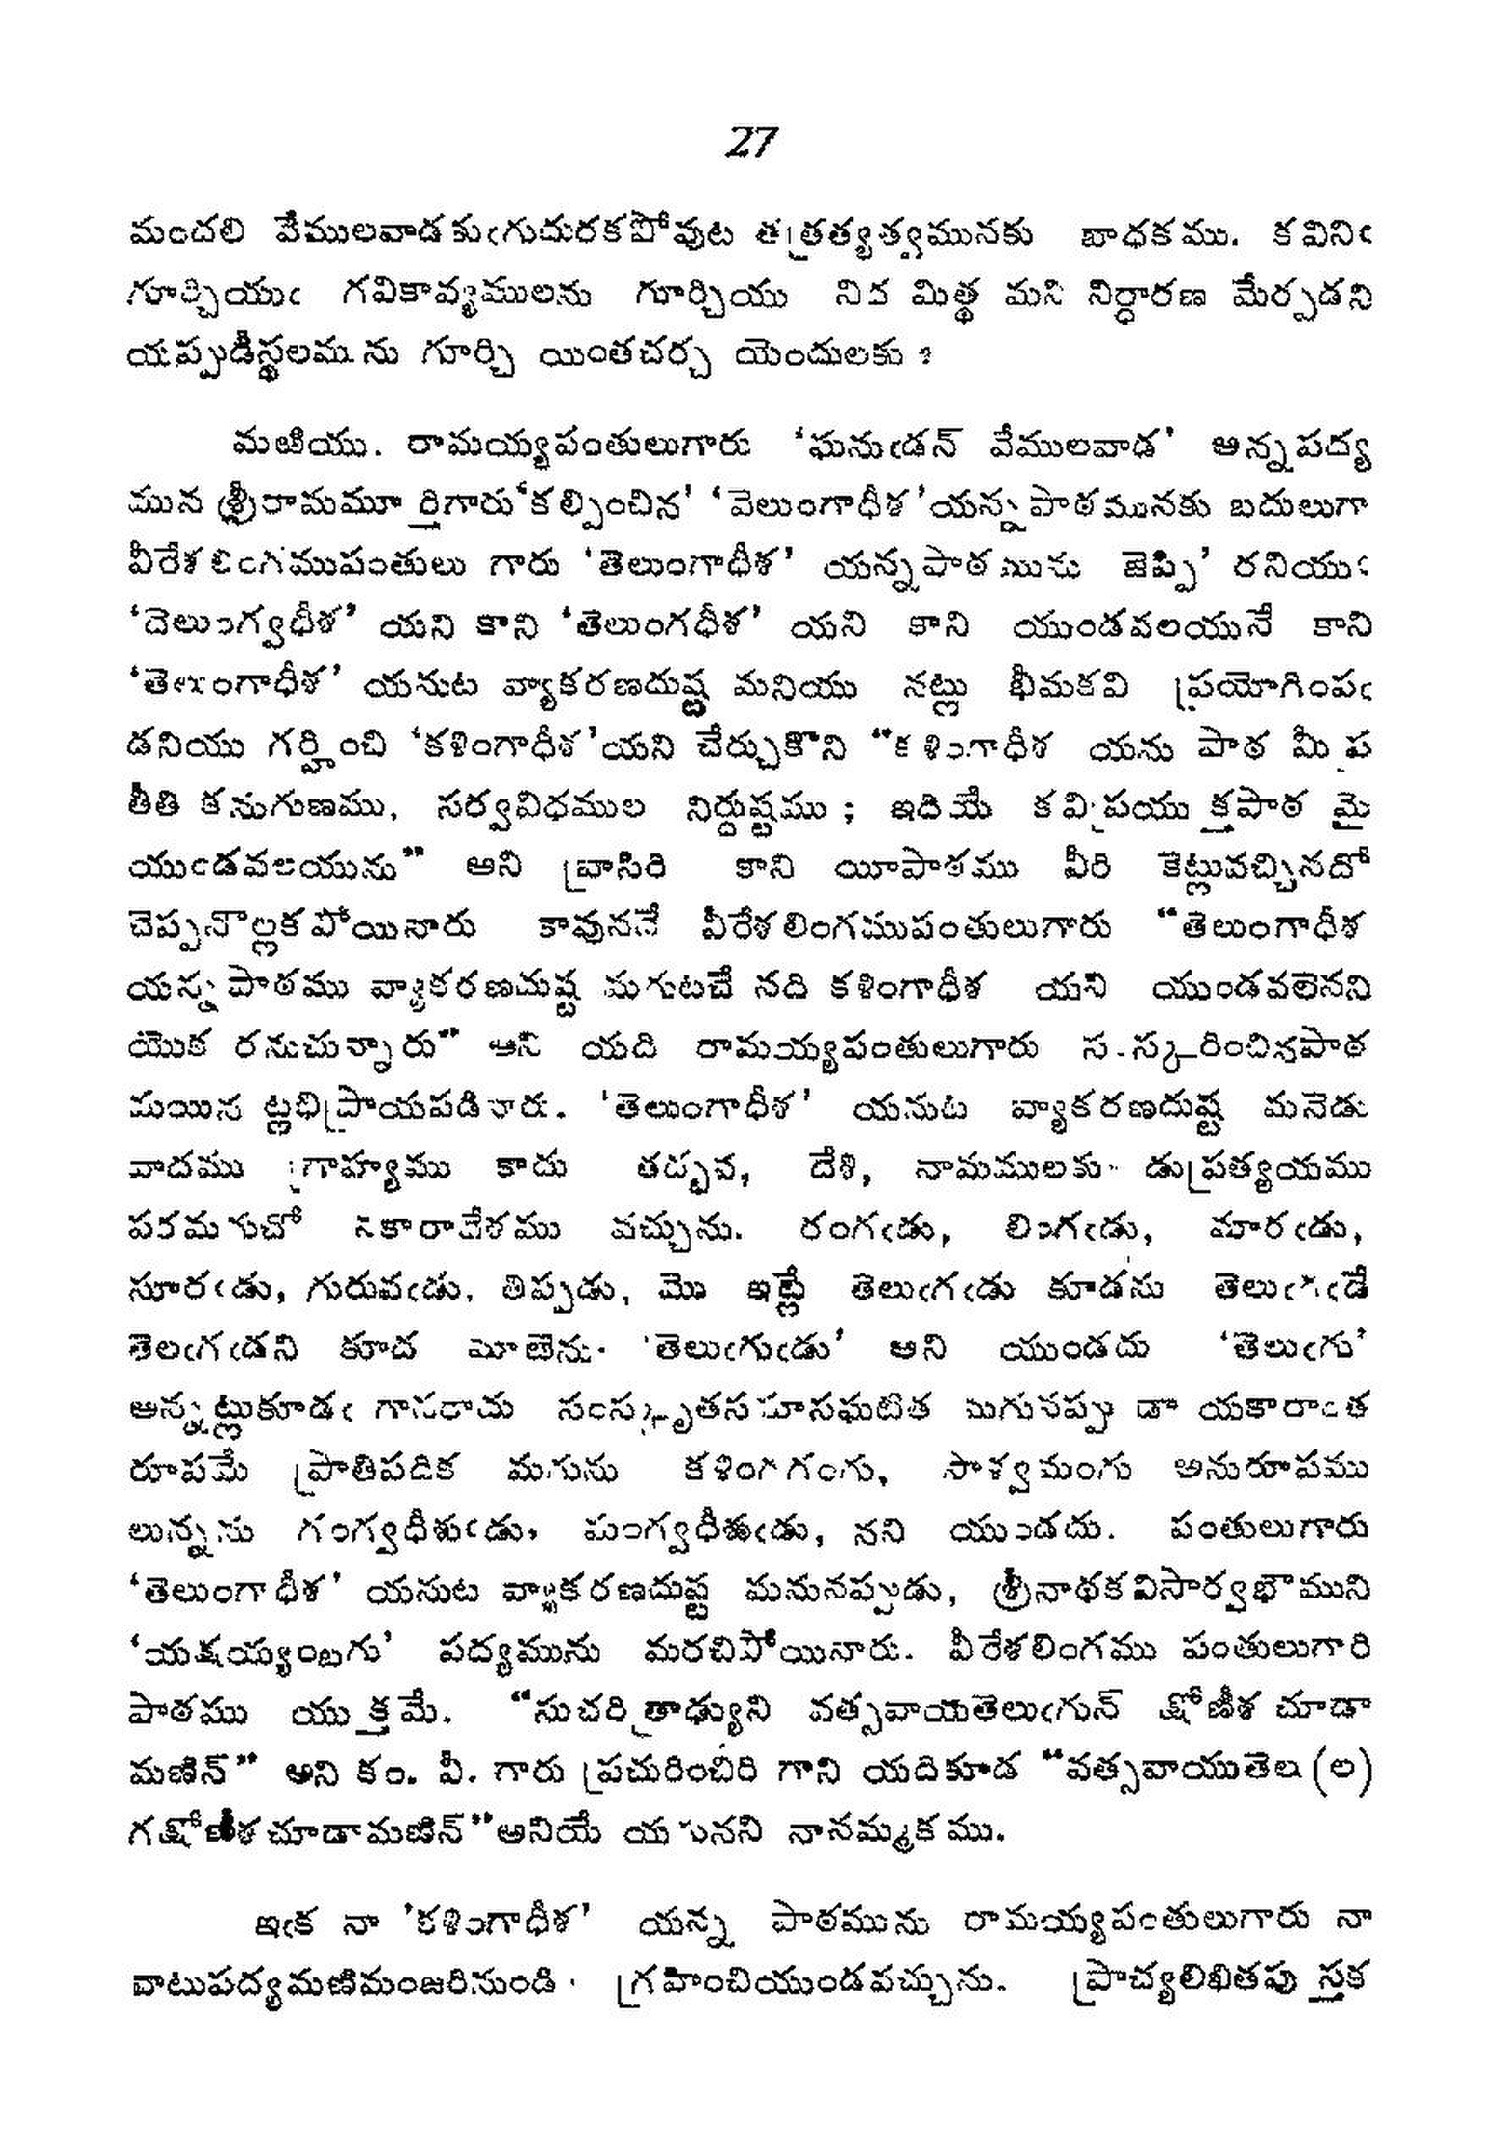మందలి వేములవాడకుఁగుదురకపోవుట తత్రత్యత్వమునకు బాధకము. కవిని
గూర్చియుఁ గవికావ్యములను గూర్చియు నిన మిత్థమని నిర్ధారణ మేర్పడని
యప్పుడీస్థలమును గూర్చి యింతచర్చ యెందులకు ?

మఱియు. రామయ్య పంతులుగారు 'ఘనుఁడన్ వేములవాడ' అన్న పద్య
మున శ్రీరామమూర్తిగారు కల్పించిన' ‘వెలుంగాధీశ 'యన్న పాఠమునకు బదులుగా
వీరేశలింగము పంతులు గారు 'తెలుంగాధీశ' యన్న పాఠముచు జెప్పి' రనియు ,
'దెలుంగ్వధీశ ' యని కాని 'తెలుంగధీశ ' యని కాని యుండవలయునే కానీ
'తెలంగాధీశ ' యనుట వ్యాకరణదుష్ట మనియు నట్లు భీమకవి ప్రయోగింపఁ
డనియు గర్జించి 'కళింగాధీశ 'యని చేర్చుకొని "కళింగాధీశ యను పాఠ మీప్ర
తీతి కనుగుణము, సర్వవిధముల నిర్దుష్టము ; ఇదియే కవి ప్రయు క్తపాఠ మై
యుండవలయును" అని వ్రాసిరి కాని యీపాఠము వీరి కెట్లు వచ్చినదో
చెప్పనొల్లక పోయినారు కావుననే వీరేశ లింగము పంతులుగారు “తెలుంగాధీశ
యన్న పాఠము వ్యాకరణ దుష్ట మగుటచే నది కళింగాధీశ యని యుండవలెనని
యొక రసుచున్నారు" అని యది రామయ్యపంతులుగారు సంస్కరించిన పాఠ
ముయిన ట్లభిప్రాయపడినారు. 'తెలుంగాధీశ ' యనుట వ్యాకరణదుష్ట మనెడు
వాదము గ్రాహ్యము కాదు తద్భవ, దేశి, నామములకు" డుప్రత్యయము
పరమగుచో కా రాదేశము వచ్చును. రంగఁడు, లింగఁడు, మారఁడు,
సూరఁడు, గురువఁడు, తిప్పడు, మొ. ఇట్లే తెలుఁగఁడు కూడసు తెలుఁగ (డే
తెలగడని కూడ మోఱెను. 'తెలుగుఁడు' అని యుండదు అన్నట్లుకూడఁ 
గానరాదు సంస్కృతస హూసఘటిత మగునప్పుడా యకారాంతరూపమే 
ప్రాతిపదిక మగును కళింగ గంగు, సాశ్వామందు అనురూపము
లున్నను గంగ్వధీశుఁడు, మంగ్వధీశుఁడు, నని యుండదు. పంతులు గారు
'తెలుంగా ధీశ' యసుట వ్యాకరణదుష్ట మనునప్పుడు, శ్రీనాథక విసార్వభౌముని
'యక్షయ్యంబగు' పద్యమును మరచిపోయినారు. వీరేశలింగము పంతులుగారి
పాఠము యుక్తమే. “సుచరి త్రాడ్యుని వత్సవాయతెలుఁగున్ క్షోణీశ చూడా
మణిన్" అని కం. వీ. గారు ప్రచురించిరి గాని యదికూడ “వత్సవాయుతెల(ల)
గక్షోణీశ చూడామణిన్ "అనియే యగునని నానమ్మకము.

ఇక నా 'కళింగాధీశ' యన్న పాఠమును రామయ్య పంతులుగారు నా
చాటుపద్యమణిమంజరి నుండి ' గ్రహించి యుండవచ్చును. ప్రాచ్య లిఖితపుస్తక